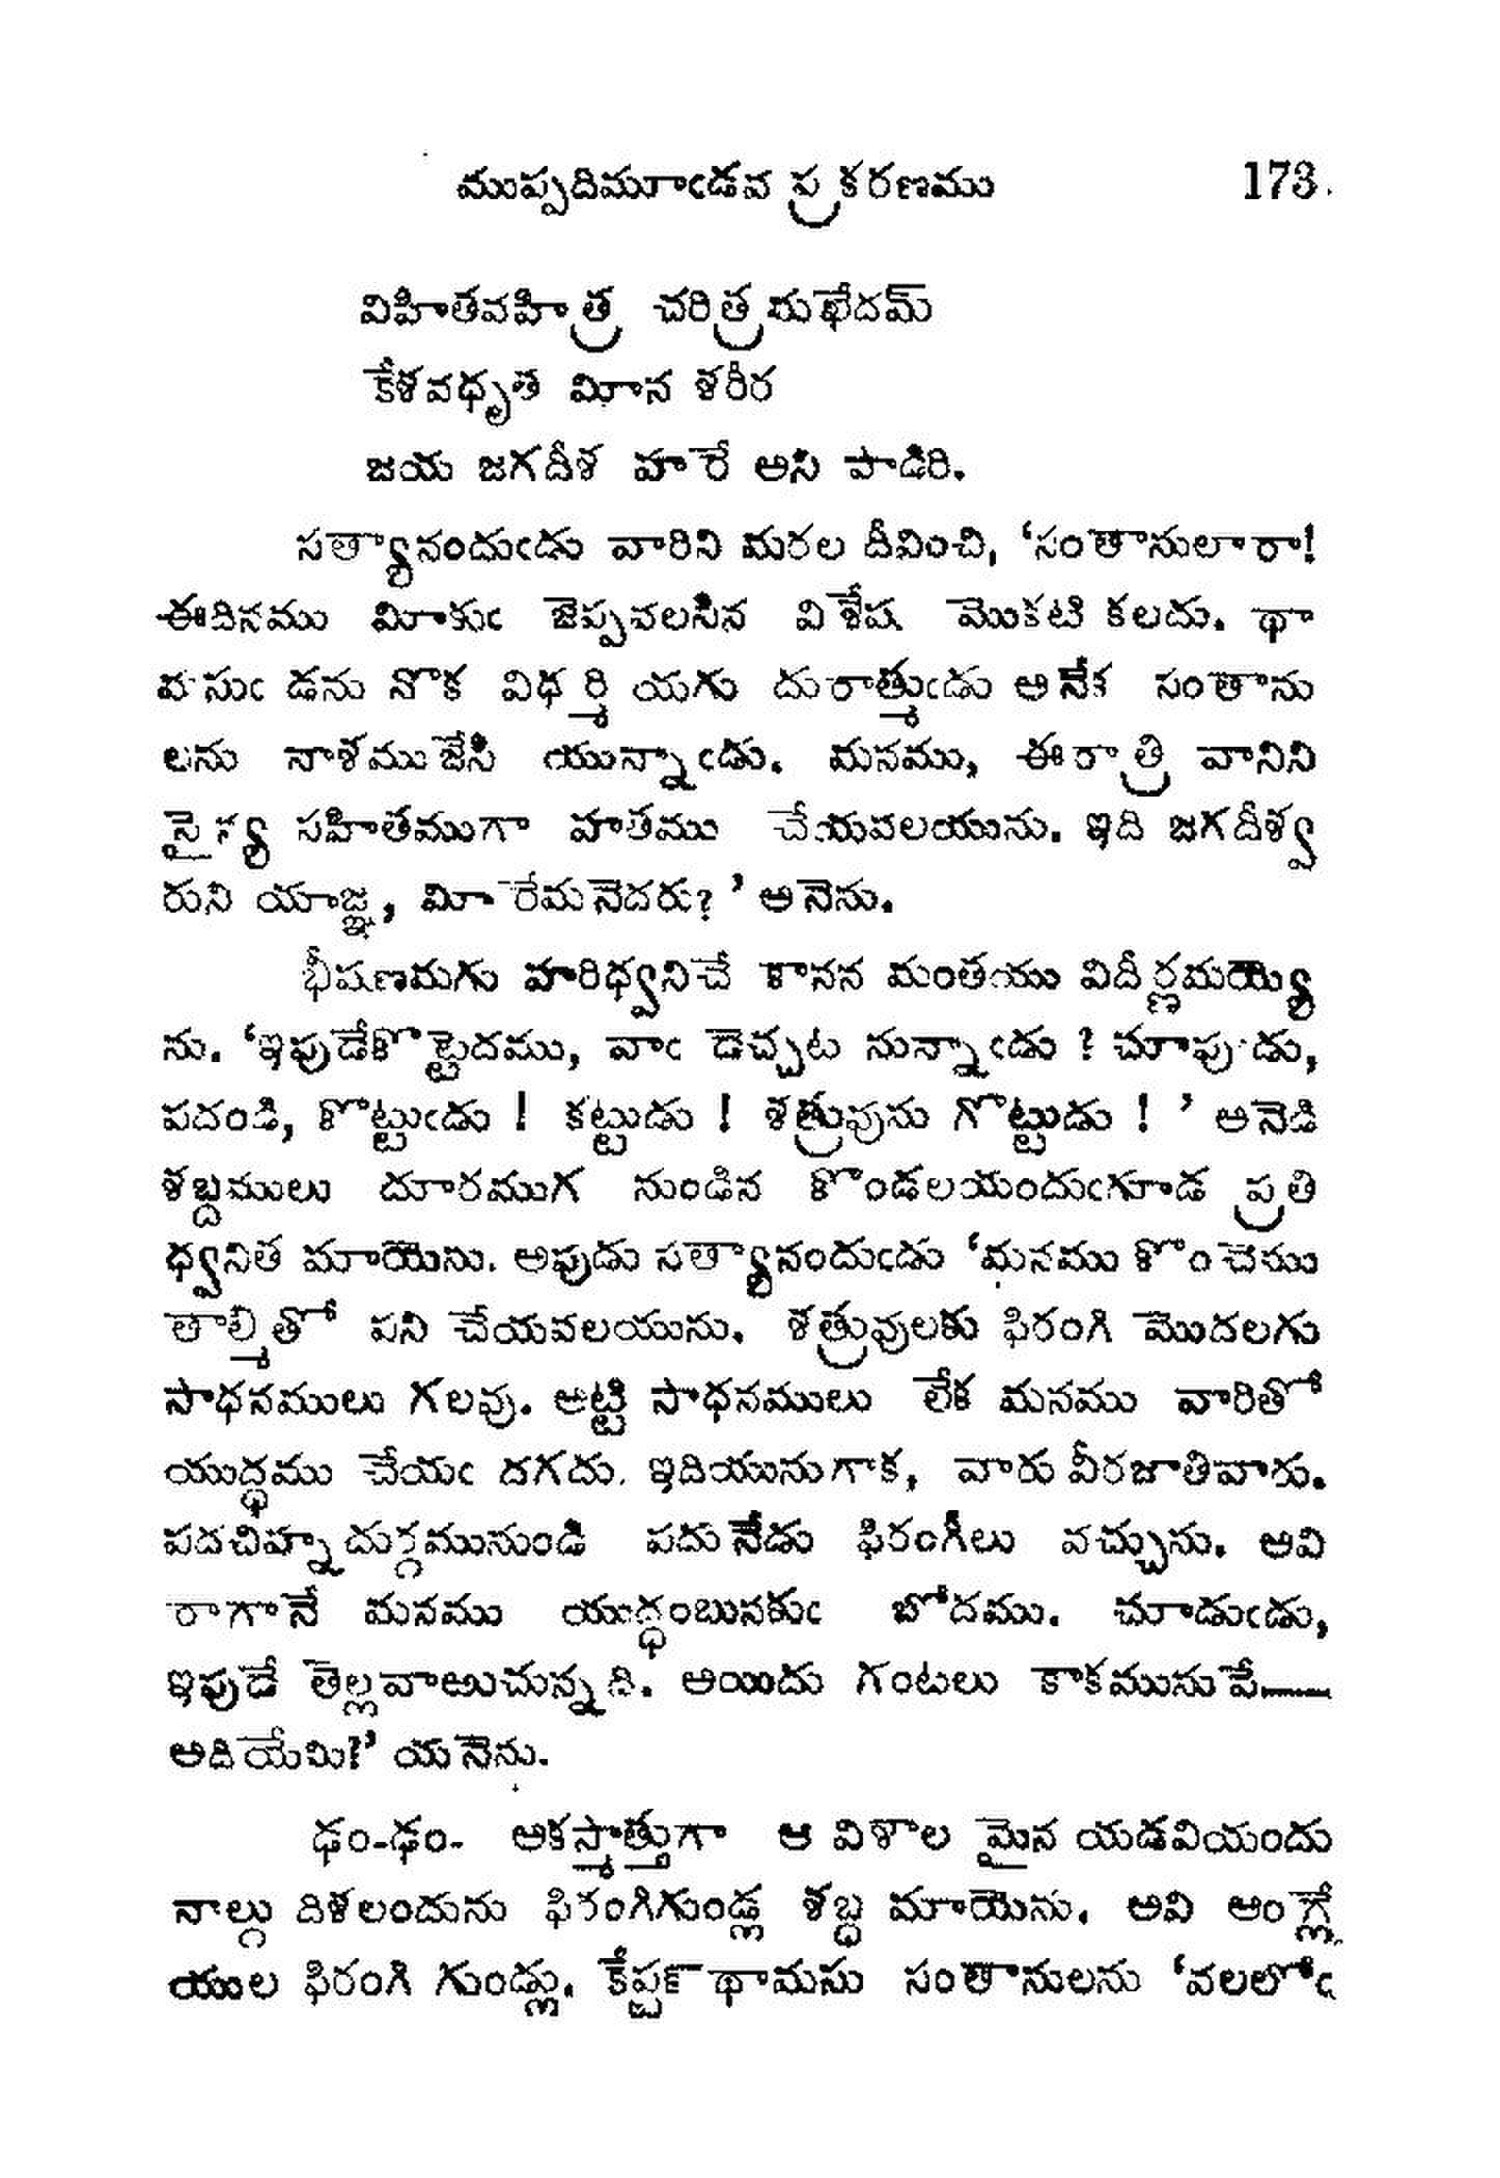విహితవహిత్ర చరిత్రమఖేదమ్
కేశవధృత మీన శరీర
జయ జగదీశ హరే అని పాడిరి.

సత్యానందుఁడు వారిని మరల దీవించి, 'సంతానులారా! ఈదినము మీకుఁ జెప్పవలసిన విశేష మొకటి కలదు. థామసుఁ డను నొక విధర్మి యగు దురాత్ముండు అనేక సంతానులను నాశము జేసి యున్నాఁడు. మనము, ఈ రాత్రి వానిని
సైన్య సహితముగా హతము చేయవలయును. ఇది జగదీశ్వరుని యాజ్ఞ, మీరేమనెదరు? ' అనెను.

భీషణమగు హరిధ్వనిచే కానన మంతయు విదీర్ణమయ్యెను. “ఇపుడేకొట్టెదము, వాఁ డెచ్చట నున్నాఁడు ! చూపుడు,
పదండి, కొట్టుఁడు ! కట్టుడు ! శత్రువును గొట్టుడు !'అనెడి శబ్దములు దూరముగ నుండిన కొండలయందుఁగూడ ప్రతి
ధ్వనిత మాయెను. అపుడు సత్యానందుఁడు 'మనము కొంచెము తాల్మితో పని చేయవలయును, శత్రువులకు ఫిరంగి మొదలగు సాధనములు గలవు. అట్టి సాధనములు లేక మనము వారితో యుద్ధము చేయఁ దగదు. ఇదియును గాక, వారు వీరజాతివారు. పద చిహ్నదుర్గమునుండి పదునేడు ఫిరంగీలు వచ్చును. అవి రాగానే మనము యుద్ధంబునకుఁ బోదము. చూడుఁడు, ఇపుడే తెల్లవాఱుచున్నది. అయిదు గంటలు కాకమునుపే——అదియేమి యనెను.

ఢం-ఢం అకస్మాత్తుగా ఆ విశాలమైన యడవియందు నాల్గు దిశ లందును ఫిరంగిగుండ్ల శబ్ద మాయెను. అవి ఆంగ్లే
యుల ఫిరంగి గుండ్లు, కేష్ట౯ థామసు సంతానులను 'వలలోఁ